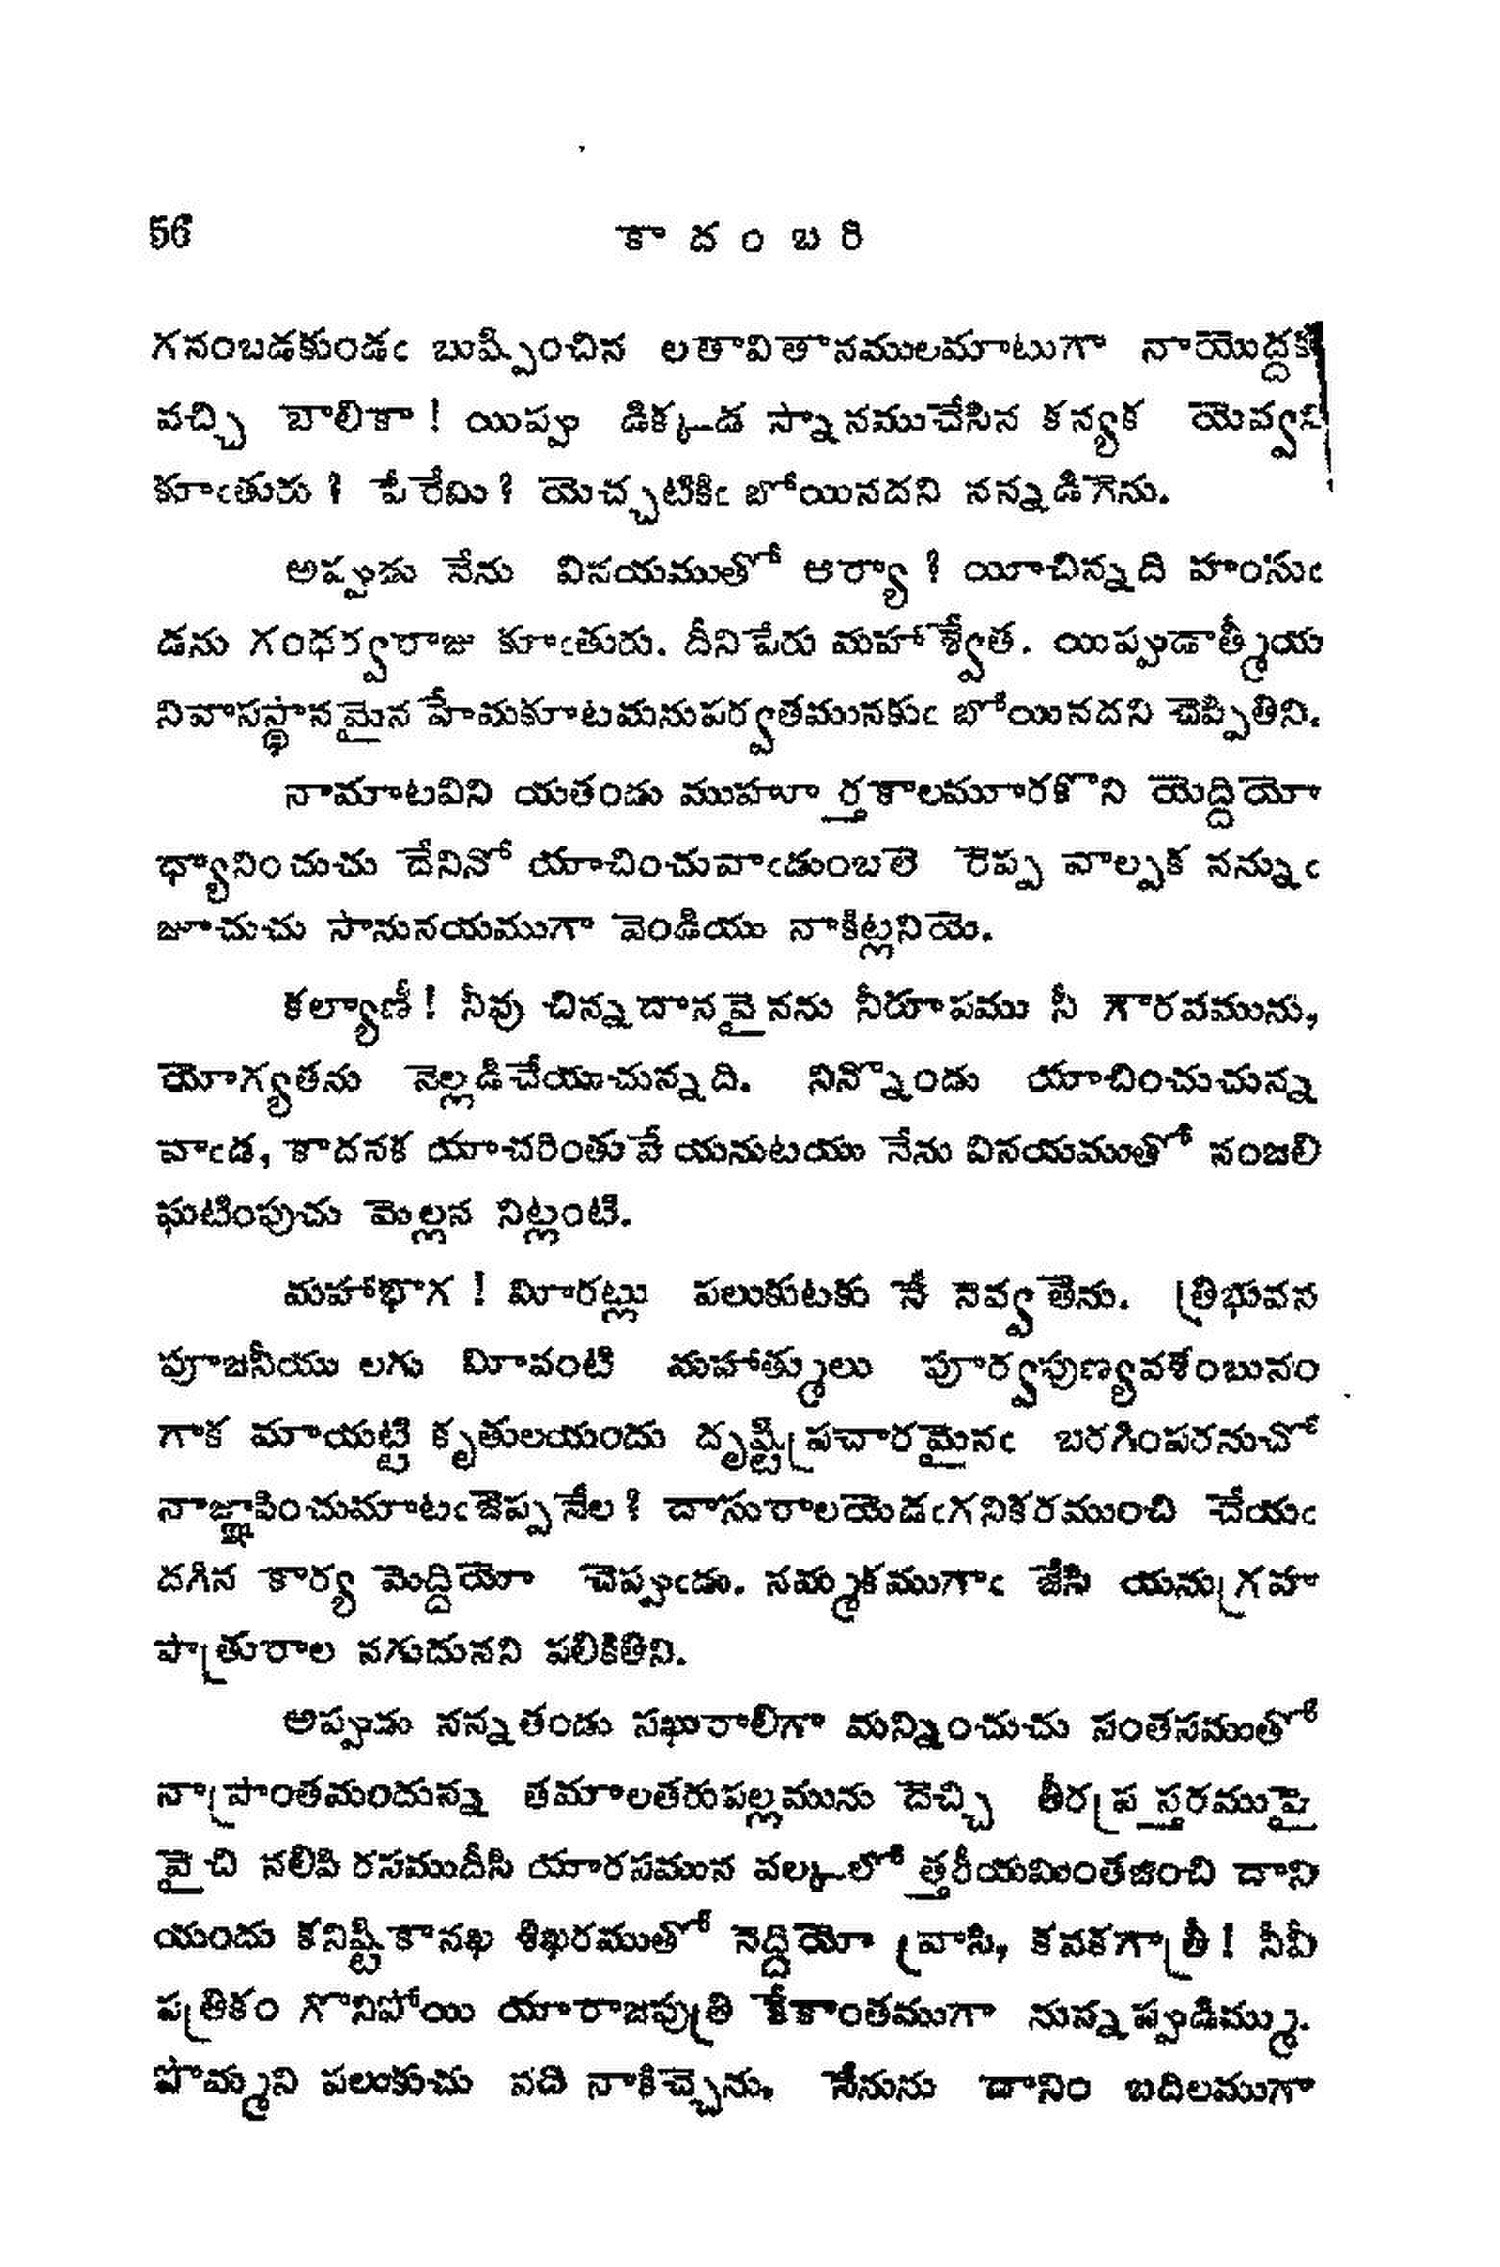గనంబడకుండఁ బుష్పించిన లతావితానములమాటుగా నాయొద్దకు వచ్చి బాలికా! యిప్పు డిక్కడ స్నానముచేసిన కన్యక యెవ్వని కూఁతురు? పేరేమి? యెచ్చటికిఁ బోయినదని నన్నడిగెను.

అప్పుడు నేను వినయముతో ఆర్యా? యీచిన్నది హంసుఁ డను గంధర్వరాజు కూఁతురు. దీనిపేరు మహాశ్వేత. యిప్పుడాత్మీయ నివాసస్థానమైన హేమకూటమనుపర్వతమునకుఁ బోయినదని చెప్పితిని.

నామాటవిని యతండు ముహూర్తకాలమూరకొని యెద్దియో ధ్యానించుచు దేనినో యాచించువాఁడుంబలె రెప్ప వాల్పక నన్నుఁ జూచుచు సానునయముగా వెండియు నాకిట్లనియె.

కల్యాణీ! నీవు చిన్నదానవైనను నీరూపము నీ గౌరవమును, యోగ్యతను వెల్లడిచేయుచున్నది. నిన్నొండు యాచించుచున్నవాఁడ, కాదనక యాచరింతువే యనుటయు నేను వినయముతో నంజలి ఘటింపుచు మెల్లన నిట్లంటి.

మహాభాగ! మీరట్లు పలుకుటకు నే నెవ్వతెను. త్రిభువన పూజనీయు లగు మీవంటి మహాత్ములు పూర్వపుణ్యవశంబునం గాక యట్టి కృతులయందు దృష్టిప్రచారమైనఁ బరగింపరనుచో నాజ్ఞాపించుమాటఁజెప్పనేల? దాసురాలయెడఁగనికరముంచి చేయఁదగిన కార్య మెద్దియో చెప్పుడు. నమ్మకముగాఁ జేసి యనుగ్రహపాత్రురాల నగుదునని పలికితిని.

అప్పుడు నన్నతండు సఖురాలిగా మన్నించుచు సంతసముతో నాప్రాంతమందున్న తమాలతరుపల్లమును దెచ్చి తీరప్రస్తరముపై వైచి నలిపి రసముదీసి యారసమున వల్కలోత్తరీయమింతజించి దానియందు కనిష్టికానఖ శిఖరముతో నెద్దియో వ్రాసి, కనకగాత్రీ! నీవీ పత్రికం గొనిపోయి యారాజపుత్రి కేకాంతముగా నున్నప్పుడిమ్ము. పొమ్మని పలుకుచు నది నాకిచ్చెను. నేనును దానిం బదిలముగా